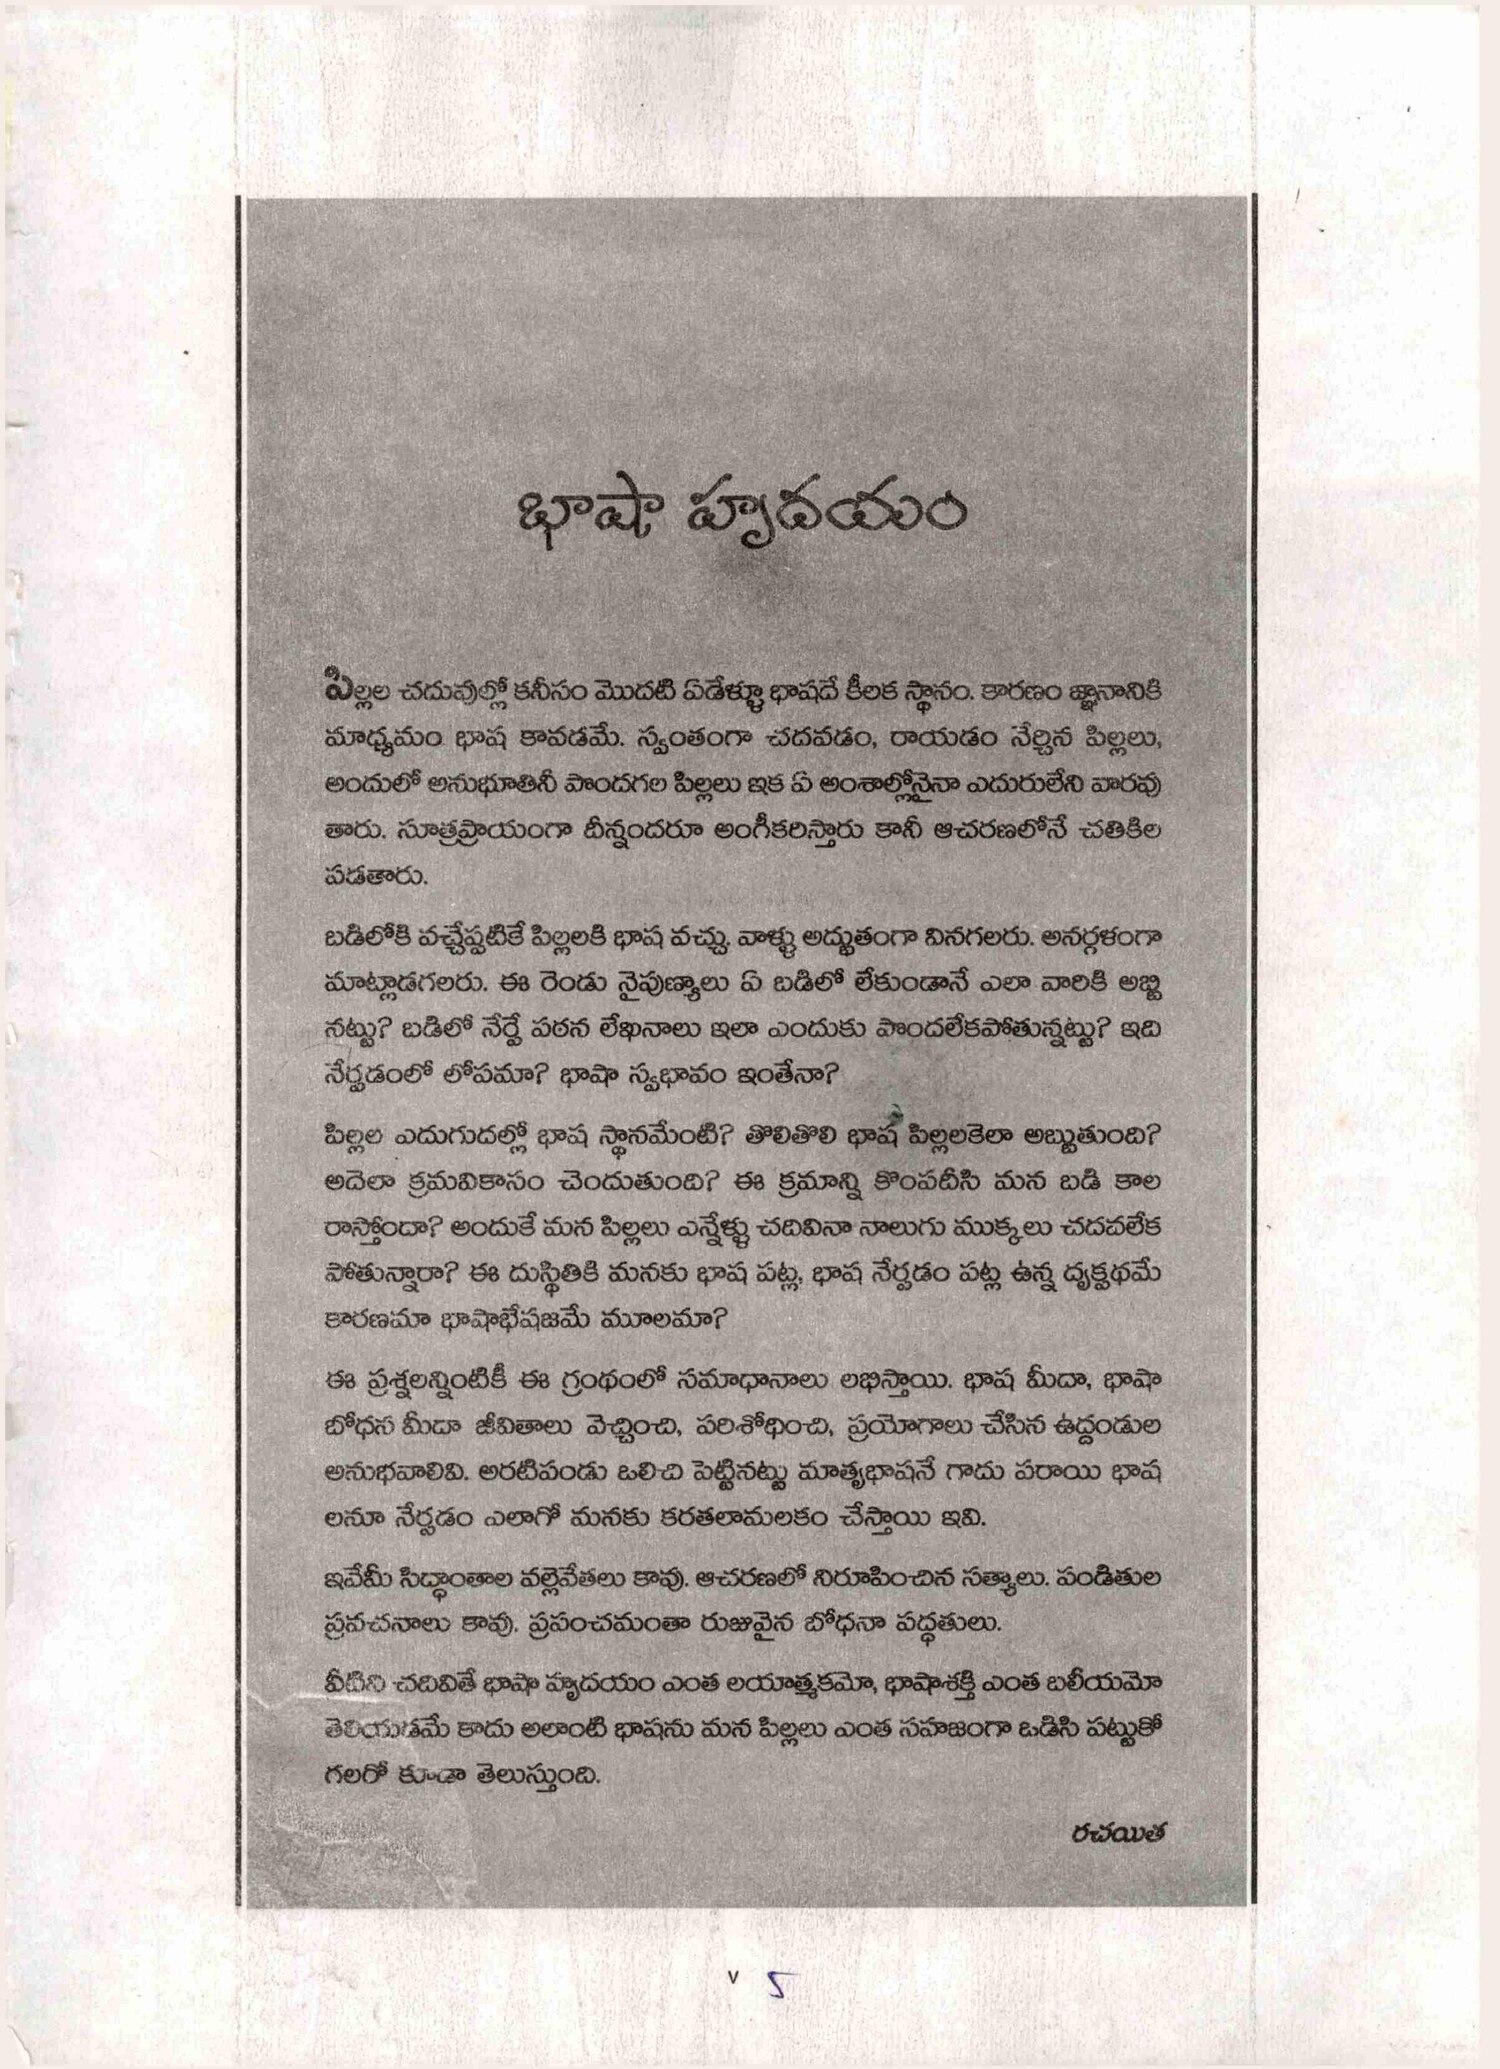భాషా హృదయం

పిల్లల చదువుల్లో కనీసం మొదటి ఏడేళ్ళూ భాషదే కీలక స్థానం. కారణం జ్ఞానానికి మాధ్యమం భాష కావడమే. స్వంతంగా చదవడం, రాయడం నేర్చిన పిల్లలు, అందులో అనుభూతినీ పొందగల పిల్లలు ఇక ఏ అంశాల్లోనైనా ఎదురులేని వారవుతారు. సూత్రప్రాయంగా దీన్నందరూ అంగీకరిస్తారు కానీ ఆచరణలోనే చతికిలపడతారు.

బడిలోకి వచ్చేప్పటికే పిల్లలకి భాష వచ్చు. వాళ్ళు అద్భుతంగా వినగలరు. అనర్గళంగా మాట్లాడగలరు. ఈ రెండు నైపుణ్యాలు ఏ బడిలో లేకుండానే ఎలా వారికి అబ్బినట్టు? బడిలో నేర్పే పఠన లేఖనాలు ఇలా ఎందుకు పొందలేకపోతున్నట్టు? ఇది నేర్పడంలో లోపమా? భాషా స్వభావం ఇంతేనా?

పిల్లల ఎదుగుదల్లో భాష స్థానమేంటి? తొలితొలి భాష పిల్లలకెలా అబ్బుతుంది? అదెలా క్రమవికాసం చెందుతుంది? ఈ క్రమాన్ని కొంపదీసి మన బడి కాలరాస్తోందా? అందుకే మన పిల్లలు ఎన్నేళ్ళు చదివినా నాలుగు ముక్కలు చదవలేక పోతున్నారా? ఈ దుస్థితికి మనకు భాష పట్ల, భాష నేర్పడం పట్ల ఉన్న దృక్పథమే కారణమా భాషాభేషజమే మూలమా?

ఈ ప్రశ్నలన్నింటికీ ఈ గ్రంథంలో సమాధానాలు లభిస్తాయి. భాష మీదా, భాషా బోధన మీదా జీవితాలు వెచ్చించి, పరిశోధించి, ప్రయోగాలు చేసిన ఉద్దండుల అనుభవాలివి. అరటిపండు ఒలిచి పెట్టినట్టు మాతృభాషనే గాదు పరాయి భాషలనూ నేర్పడం ఎలాగో మనకు కరతలామలకం చేస్తాయి ఇవి.

ఇవేమీ సిద్ధాంతాల వల్లెవేతలు కావు. ఆచరణలో నిరూపించిన సత్యాలు. పండితుల ప్రవచనాలు కావు. ప్రపంచమంతా రుజువైన బోధనా పద్ధతులు.

వీటిని చదివితే భాషా హృదయం ఎంత లయాత్మకమో, భాషాశక్తి ఎంత బలీయమో తెలియడమే కాదు అలాంటి భాషను మన పిల్లలు ఎంత సహజంగా ఒడిసి పట్టుకోగలరో కూడా తెలుస్తుంది.